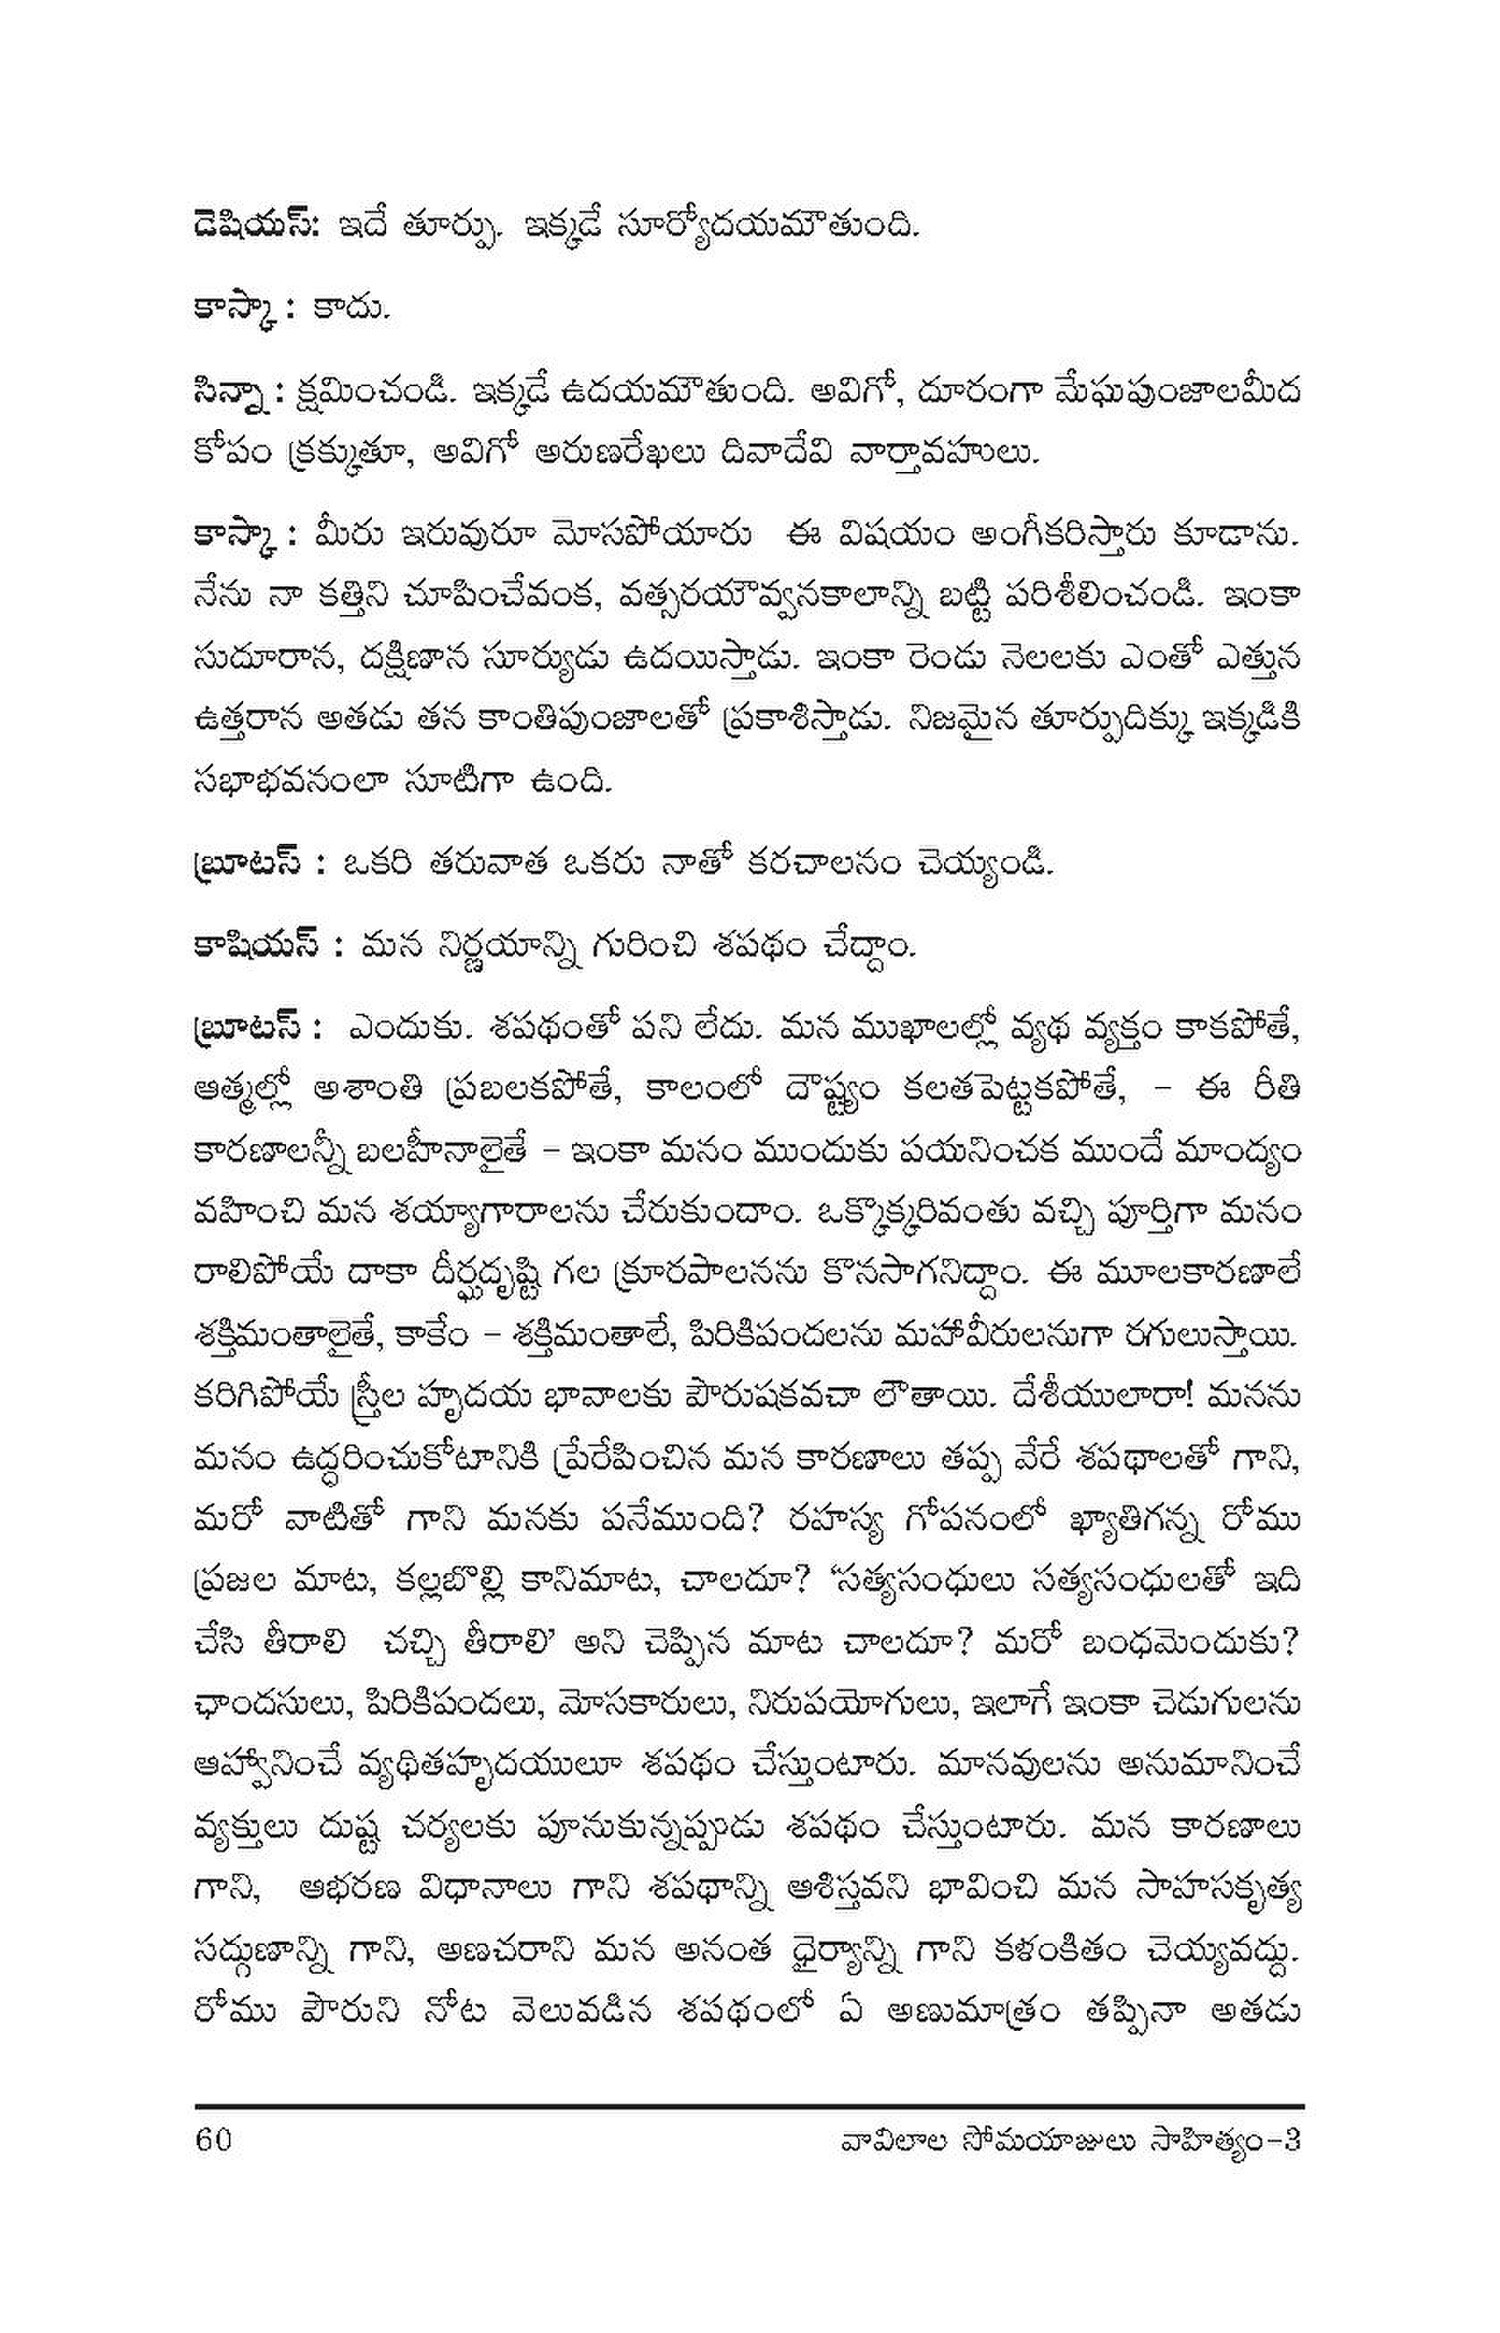డెషియస్ : ఇదే తూర్పు. ఇక్కడే సూర్యోదయమౌతుంది.

కాస్కా: కాదు.

సిన్నా : క్షమించండి. ఇక్కడే ఉదయమౌతుంది. అవిగో, దూరంగా మేఘపుంజాల మీద కోపం కక్కుతూ, అవిగో అరుణరేఖలు దివాదేవి వార్తావహులు.

కాస్కా : మీరు ఇరువురూ మోసపోయారు ఈ విషయం అంగీకరిస్తారు కూడాను. నేను నా కత్తిని చూపించేవంక, వత్సరయౌవ్వన కాలాన్ని బట్టి పరిశీలించండి. ఇంకా సుదూరాన, దక్షిణాన సూర్యుడు ఉదయిస్తాడు. ఇంకా రెండు నెలలకు ఎంతో ఎత్తున ఉత్తరాన అతడు తన కాంతిపుంజాలతో ప్రకాశిస్తాడు. నిజమైన తూర్పుదిక్కు ఇక్కడికి సభాభవనంలా సూటిగా ఉంది.

బ్రూటస్ : ఒకరి తరువాత ఒకరు నాతో కరచాలనం చెయ్యండి.

కాషియస్ : మన నిర్ణయాన్ని గురించి శపథం చేద్దాం.

బ్రూటస్ : ఎందుకు. శపథంతో పని లేదు. మన ముఖాలల్లో వ్యథ వ్యక్తం కాకపోతే, ఆత్మల్లో అశాంతి ప్రబలకపోతే, కాలంలో దౌష్ట్యం కలతపెట్టకపోతే, - ఈ రీతి కారణాలన్నీ బలహీనాలైతే - ఇంకా మనం ముందుకు పయనించక ముందే మాంద్యం వహించి మన శయ్యాగారాలను చేరుకుందాం. ఒక్కొక్కరివంతు వచ్చి పూర్తిగా మనం రాలిపోయే దాకా దీర్ఘదృష్టి గల క్రూరపాలనను కొనసాగనిద్దాం. ఈ మూలకారణాలే శక్తిమంతాలైతే, కాకేం - శక్తిమంతాలే, పిరికిపందలను మహా వీరులనుగా రగులుస్తాయి. కరిగిపోయే స్త్రీల హృదయ భావాలకు పౌరుషకవచా లౌతాయి. దేశీయులారా! మనను మనం ఉద్దరించుకోటానికి ప్రేరేపించిన మన కారణాలు తప్ప వేరే శపథాలతో గాని, మరో వాటితో గాని మనకు పనేముంది? రహస్య గోపనంలో ఖ్యాతిగన్న రోము ప్రజల మాట, కల్లబొల్లి కానిమాట, చాలదూ? 'సత్యసంధులు సత్యసంధులతో ఇది చేసి తీరాలి చచ్చి తీరాలి' అని చెప్పిన మాట చాలదూ? మరో బంధమెందుకు? ఛాందసులు, పిరికిపందలు, మోసకారులు, నిరుపయోగులు, ఇలాగే ఇంకా చెడుగులను ఆహ్వానించే వ్యథితహృదయులూ శపథం చేస్తుంటారు. మానవులను అనుమానించే వ్యక్తులు దుష్ట చర్యలకు పూనుకున్నప్పుడు శపథం చేస్తుంటారు. మన కారణాలు గాని, ఆభరణ విధానాలు గాని శపథాన్ని ఆశిస్తవని భావించి మన సాహసకృత్య సద్గుణాన్ని గాని, అణచరాని మన అనంత ధైర్యాన్ని గాని కళంకితం చెయ్యవద్దు. రోము పౌరుని నోట వెలువడిన శపథంలో ఏ అణుమాత్రం తప్పినా అతడు